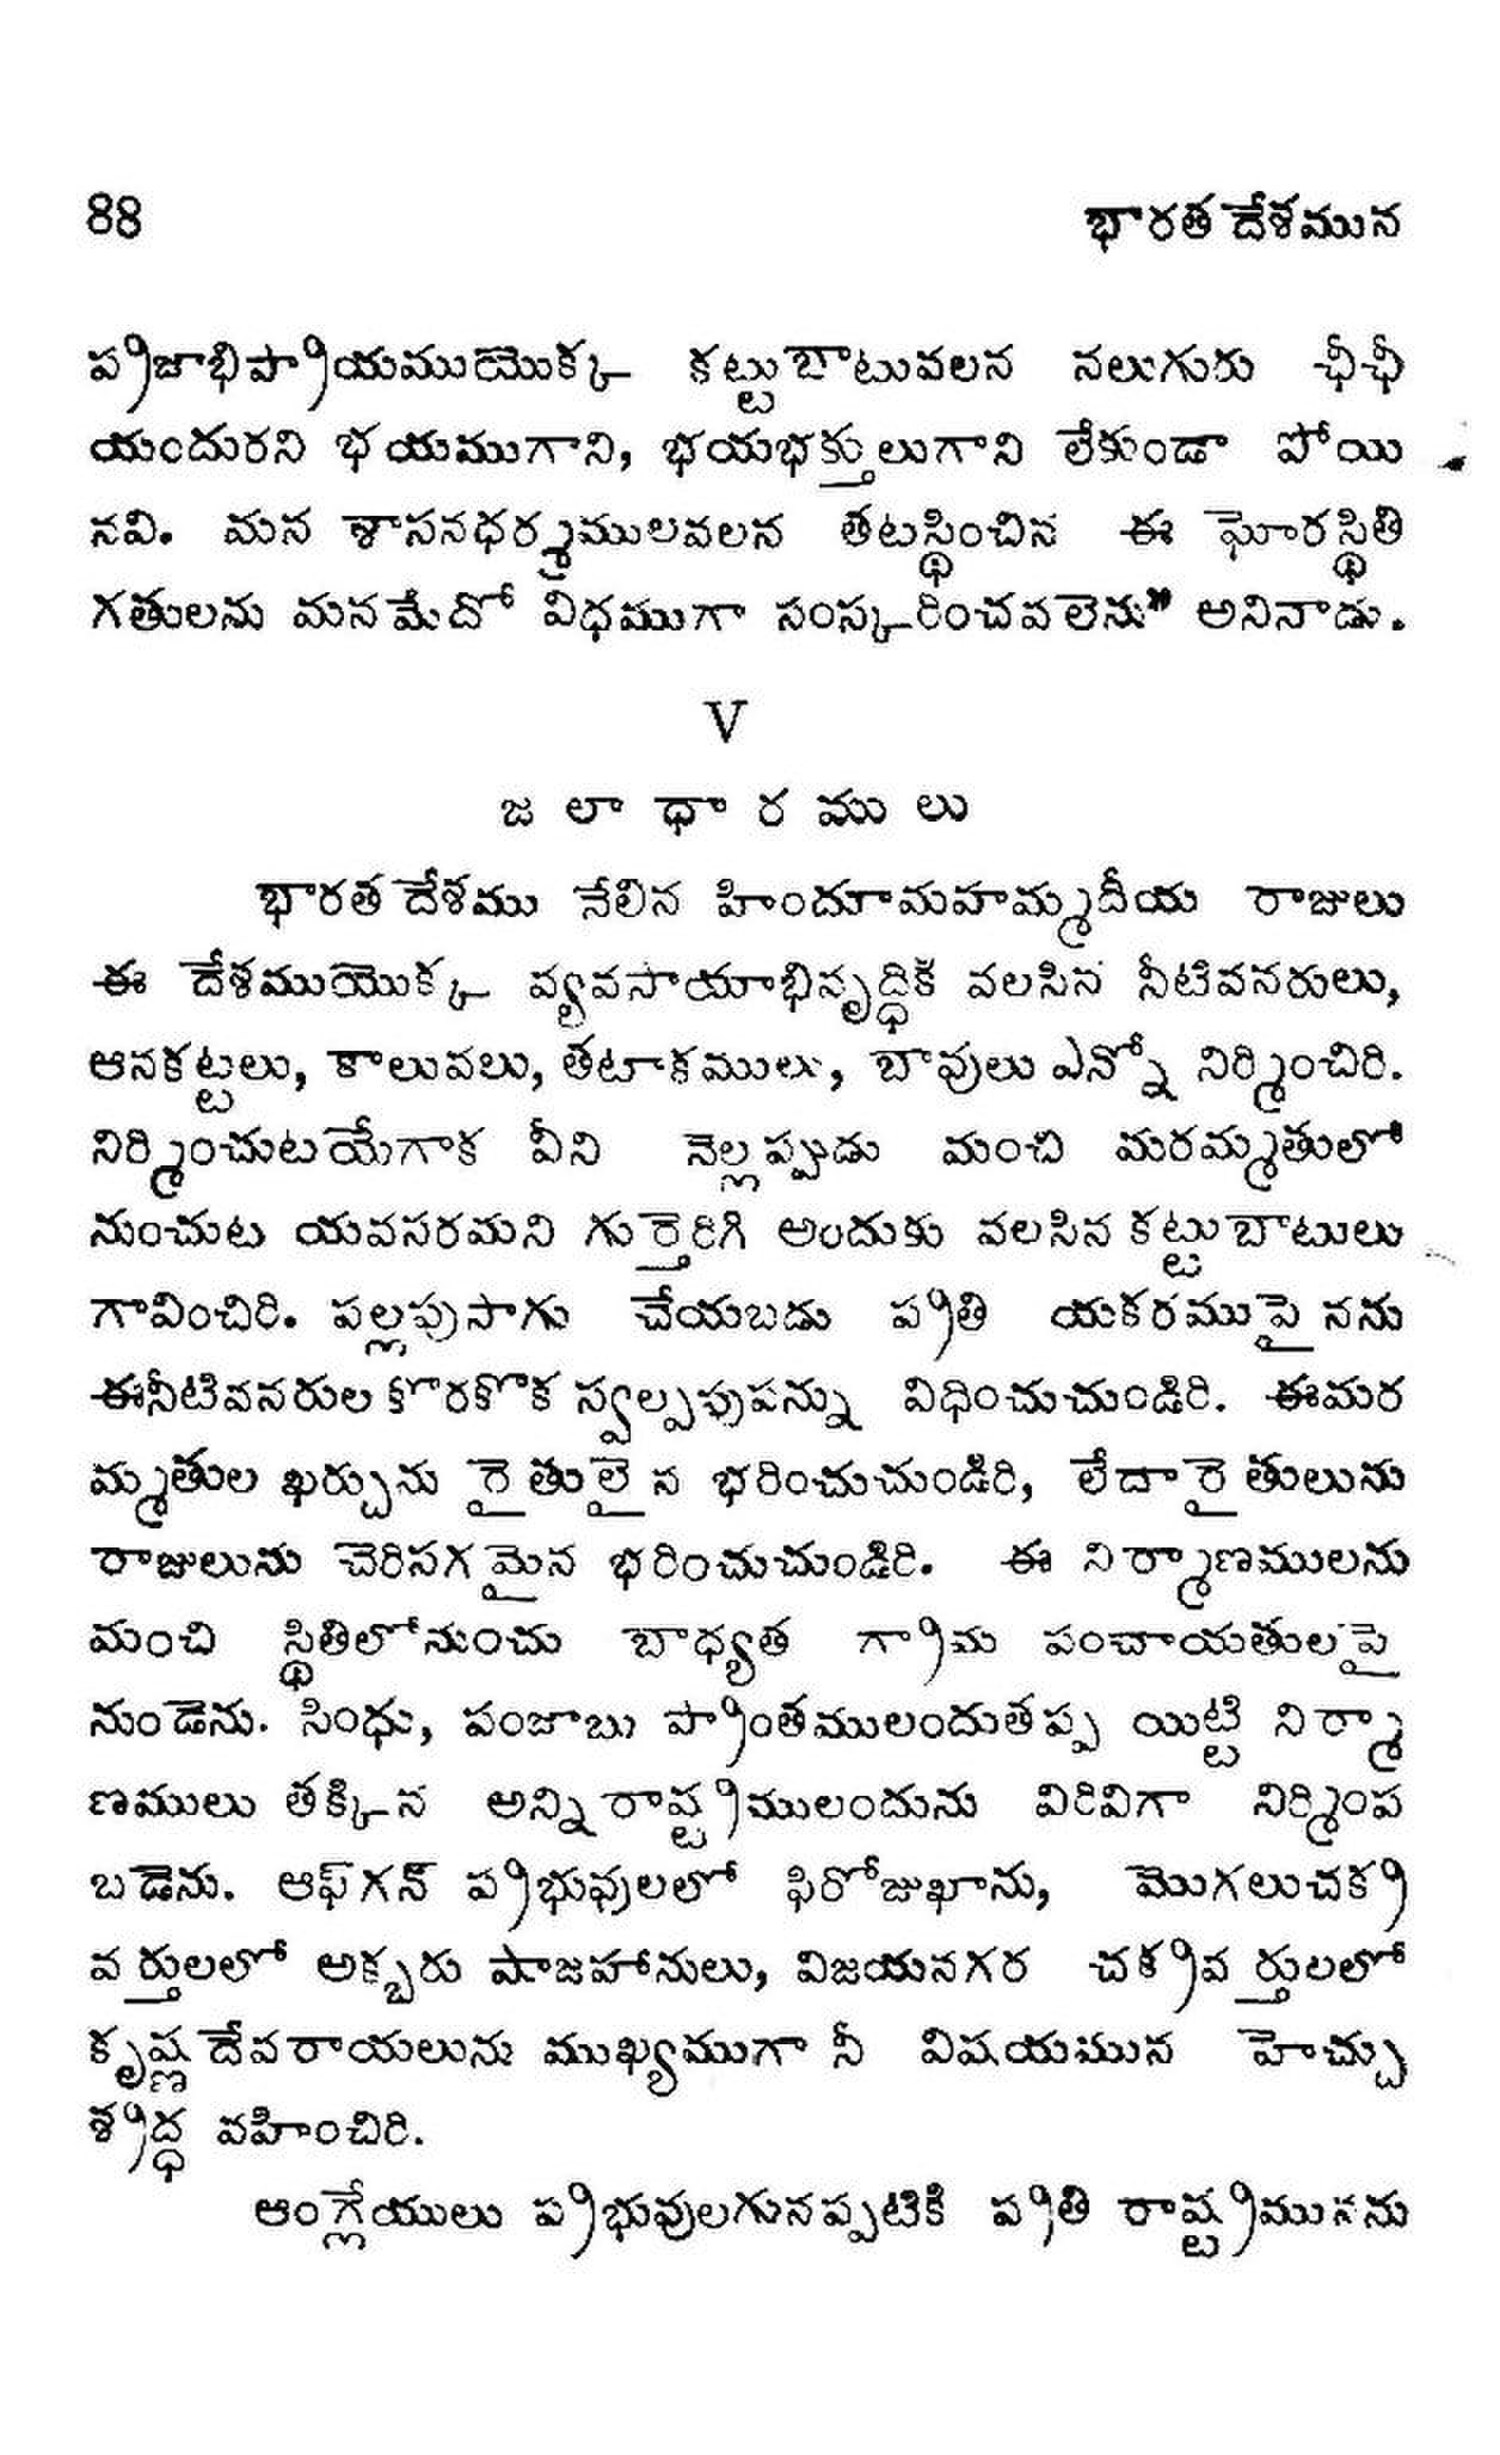ప్రజాభిప్రాయముయొక్క కట్టుబాటువలన నలుగురు ఛీఛీ యందురని భయముగాని, భయభక్తులుగాని లేకుండా పోయినవి. మన శాసనధర్మములవలన తటస్థించిన ఈ ఘోరస్థితిగతులను మనమేదో విధముగా సంస్కరించవలెను" అనినాడు .

V
జలాధారములు

భారతదేశము నేలిన హిందూమహమ్మదీయ రాజులు ఈ దేశముయొక్క వ్యవసాయాభివృద్ధికి వలసిన నీటివనరులు, ఆనకట్టలు, కాలువలు, తటాకములు, బావులు ఎన్నో నిర్మించిరి. నిర్మించుటయేగాక వీని నెల్లప్పుడు మంచి మరమ్మతులో నుంచుట యవసరమని గుర్తెరిగి అందుకు వలసిన కట్టుబాటులు గావించిరి. పల్లపుసాగు చేయబడు ప్రతి యకరముపైనను ఈనీటివనరుల కొరకొక స్వల్పపుపన్ను విధించుచుండిరి. ఈమరమ్మతుల ఖర్చును రైతులైన భరించుచుండిరి, లేదా రైతులును రాజులును చెరిసగమైన భరించుచుండిరి. ఈ నిర్మాణములను మంచి స్థితిలోనుంచు బాధ్యత గ్రామ పంచాయతులపై నుండెను. సింధు, పంజాబు ప్రాంతములందుతప్ప యిట్టి నిర్మాణములు తక్కిన అన్ని రాష్ట్రములందును విరివిగా నిర్మింప బడెను. ఆఫ్‌గన్ ప్రభువులలో ఫిరోజుఖాను, మొగలుచక్రవర్తులలో అక్బరు పాజహానులు, విజయనగర చక్రవర్తులలో కృష్ణదేవరాయలును ముఖ్యముగా నీ విషయమున హెచ్చు శ్రద్ద వహించిరి.

ఆంగ్లేయులు ప్రభువులగునప్పటికీ ప్రతి రాష్ట్రమునను